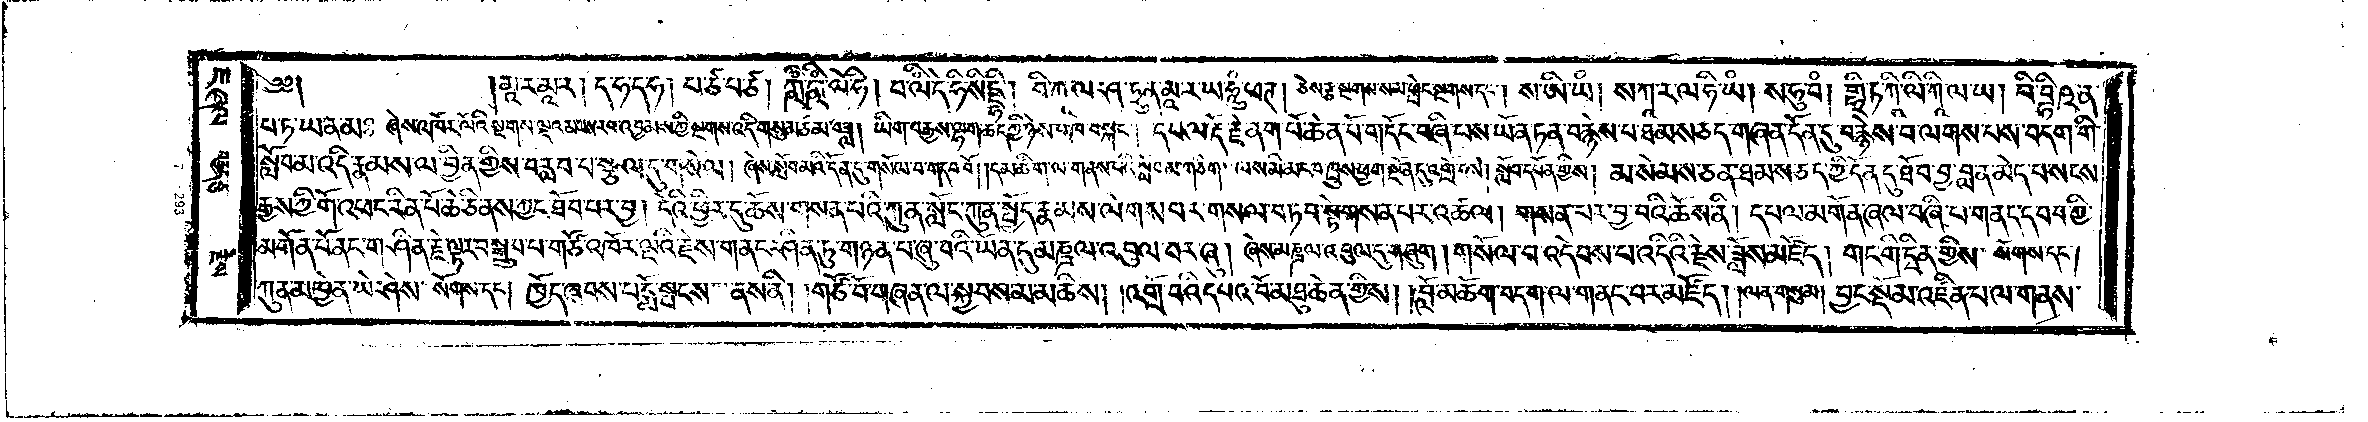༄༅། །མཱ་ར་མཱ་ར། ད་ཧ་ད་ཧ། པ་ཙ་པ་ཙ། ཀྵིཾ་ཀྵིཾ་ལེ་ཧི། བ་ལིཾ་དེ་ཧི་སིངྡྷི། བི་ཀཱ་ལ་ཤ་ཏྲུན་མཱ་ར་ཡ་ཧཱུཾ་ཕཊ། ཅེས་རྩ་སྔགས་སམ་ཕྲེང་སྒགས་དང་།  ས་ཨི་ཡཾ། ས་ཀཱ་ར་ལ་ཧི་ཡཾ། ས་ཧུ་བཾ། གྷྲི་ཏ་ཀཱི་ལི་ཀཱི་ལ་ཡ། བི་བྷི་ཥ་ན་
པ་ཏ་ཡ་ན་མཿ ཞེས་འཁོར་ལོའི་སྔགས་ལྔའམ་སྒ་རབ་འབྱམས་ཀྱི་སྔགས་འདི་གསུམ་ཙམ་བཟླ། ཡིག་བརྒྱས་ལྷག་ཆད་ཀྱི་ཉེས་པ་ཁ་བསྐང་།  དཔལ་རྡོ་རྗེ་ནག་པོ་ཆེན་པོ་གདོང་བཞི་པས་ཡོན་ཏན་བརྙེས་པ་ཐམས་ཅད་གཞན་དོན་དུ་བརྙེས་པ་ལགས་པས་བདག་གི་
སློབ་མ་འདི་རྣམས་ལ་བྱིན་ཕྱིས་བརླབ་པ་སྩལ་དུ་གསོལ། ཞེས་སློབ་མའི་དོན་དུ་གསོལ་བ་གདབ་བོ། །དམ་ཚིག་ལ་གནས་པའི་སློབ་མ་གཅིག་ལས་མི་མང་པ་ཁྲུས་ཕྱག་སྔོན་དུ་འགྲོ་བས། སློབ་དཔོན་གྱིས།  མ་སེམས་ཅན་ཐམས་ཅད་ཀྱི་དོན་དུ་ཐོབ་བྱ་བླ་ན་མེད་པ་སངས་
རྒྱས་ཀྱི་གོ་འཕང་རིན་པོ་ཆེ་ཅི་ནས་ཀྱང་ཐོབ་པར་བྱ། དེའི་ཕྱིར་དུ་ཆོས་གསན་པའི་ཀུན་སློང་ཀུན་སྤྱོད་རྣམས་ལེགས་པར་གསལ་བཏབ་སྟེགས་ན་པར་འཚལ། གསན་པ་བྱ་བའི་ཆོས་ནི། དཔལ་མགོན་ཞལ་བཞི་པ་གནད་དབབ་ཀྱི་
མགོན་པོ་ནང་གཤིན་རྗེ་ལྟར་བསྒྲུབ་པ་གཙོ་འཁོར་ལྔའི་རྗེས་གནང་ཤིན་ཏུ་གཉན་པ་ཞུ་བའི་ཡོན་དུ་མཎྜལ་འབུལ་བར་ཞུ། ཞེས་མཎྜལ་འབུལ་དུ་གཞུག་།གསོལ་པ་འདེབས་པ་འདིའི་རྗེས་ཟློས་མཛོད། གང་གི་དྲིན་གྱིས་སོགས་དང་།
ཀུན་མཁྱེན་ཡེ་ཤེས་སོགས་དང་། ཁྱོད་ཞབས་པདམོ་སྦངས་ནས་ནི། །གཙོ་བོ་གཞན་ལ་སྐྱབས་མ་མཆིས། །འགྲོ་བའི་དཔའ་བོ་མཐུ་ཆེན་གྱིས། །བློ་མཆོག་བདས་ལ་གནང་བར་མཛོད། །ལན་གསུམ། བྱང་སྡོམ་འཛིན་པ་ལ་གནས་